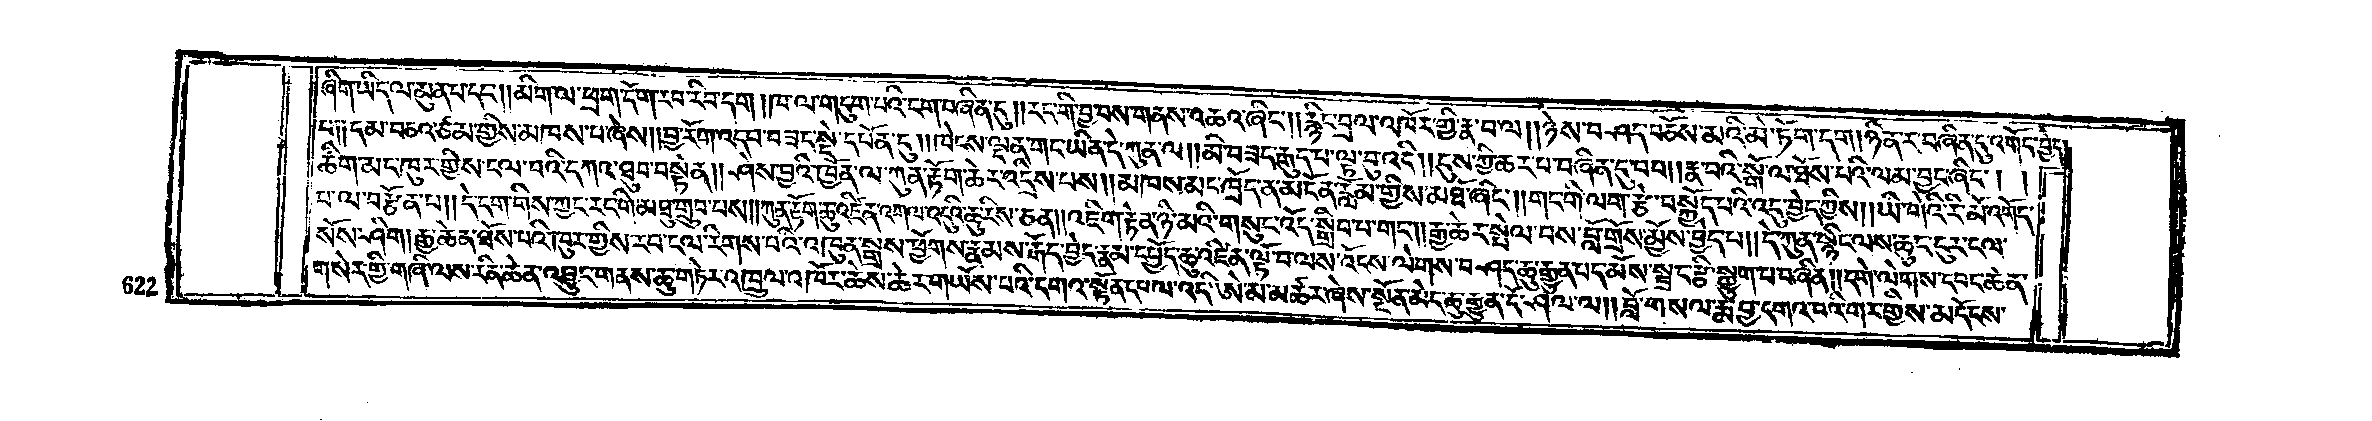ཞིག་ཡིད་ལ་མུན་པ་དང་། །མིག་ལ་ཕྲག་དོག་རབ་རིབ་དག །ཁ་ལ་གདུག་པའི་ངག་བཞིན་དུ། །རང་གི་བྱ་བས་གནས་འཆའ་ཞིང་། །རྙིང་བྲལ་འཁོར་གྱི་རྣ་བ་ལ། །ཉེས་བཤད་བཅོས་མའི་མེ་ཏོག་དག །ཉིན་རེ་བཞིན་དུ་འགོད་བྱེད་
པ། །དམ་བཅའ་ཙམ་གྱིས་མཁས་པ་ཞེས། །བྱ་རོག་འདབ་བཟང་སྡེ་དཔོན་དུ། །ཁེངས་ལྡན་གང་ཡིན་དེ་ཀུན་ལ། །མི་བཟད་རྒུད་པ་ལྟ་བུ་འདི། །དུས་ཀྱི་ཆར་པ་བཞིན་དུ་བབ། །རྣ་བའི་སྒོ་ལ་ཐོས་པའི་ལམ་བྱང་ཞིང་། །
ཚིག་མང་ཁུར་གྱིས་ངལ་བའི་དཀའ་ཐུབ་བསྟེན། །ཤེས་བྱའི་ཁྱོན་ལ་ཀུན་རྟོག་ཆེར་འདྲིས་པས། །མཁས་མང་ཁྲོད་ན་མངོན་རློམ་གྱིས་མཐོ་ཞིང་། །གང་གི་ལག་རྩེ་བསྐྱོད་པའི་འདུ་བྱེད་ཀྱིས། །ཡི་གེའི་རི་མོ་འགོད་
པ་ལ་བརྩོན་པ། །དེ་དག་གིས་ཀྱང་རང་གི་མཐུ་གྲུབ་པས། །ཀུན་རྟོག་ཆུ་འཛིན་འགལ་འདུའི་ཆུ་རིས་ཅན། །འཇིག་རྟེན་ཉི་མའི་གསུང་འོད་སྒྲིབ་པ་གང་། །རྒྱ་ཆེར་སྤེལ་བས་བློ་གྲོས་མྱོས་བྱེད་པ། །དེ་ཀུན་སྙིང་ལས་ཆུང་ངུར་ངལ་
སོས་ཤིག། རྒྱ་ཆེན་ཐོས་པའི་ཁུར་གྱིས་རབ་ངལ་རིགས་པའི་འཁུན་སྒྲས་ཕྱོགས་རྣམས་རྒོད་བྱེད་རྣམ་དཔྱོད་ཆུ་འཛིན་ལྟོ་བ་ལས་འོངས་ལེགས་བཤད་ཆུ་རྒྱུན་པད་མོས་སྦྲང་རྩི་སྐྱུག་པ་བཞིན། །དགེ་ལེགས་དབང་ཆེན་
གསེར་གྱི་གཞི་ལས་རིན་ཆེན་འབྱུང་གནས་ཆུ་གཏེར་འཁྲུལ་འཁོར་ཆེས་ཆེར་གཡོས་པའི་དགའ་སྟོན་དཔལ་འདི་ཨེ་མ་མཚར་ཞེས་སྔོན་མེད་ཆུ་རྒྱུན་དོ་ཤེལ་ལ། །བློ་གསལ་རྨ་བྱ་དགའ་བའི་གར་གྱིས་མདོངས་